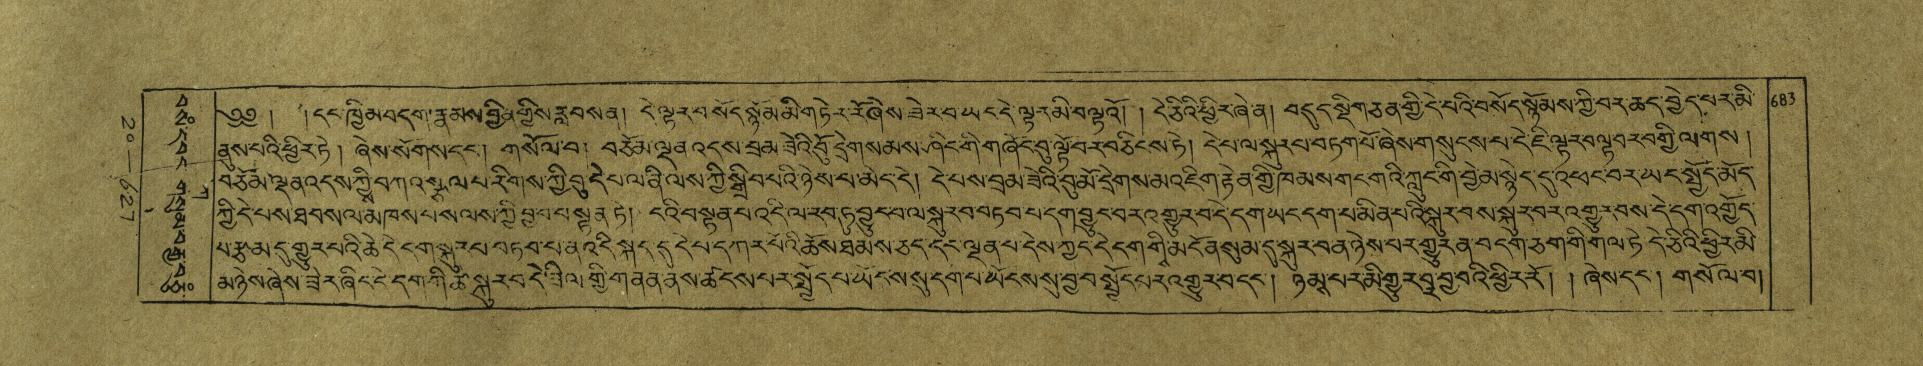༄༅། །དང་ཁྱིམ་བདག་རྣམས་བྱིན་གྱིས་རླབས་ན། དེ་ལྟར་བསོད་སྙོམ་མི་གཏེར་རོ་ཞེས་ཟེར་བ་ཡང་དེ་ལྟར་མི་བལྟའོ། །དེ་ཅིའི་ཕྱིར་ཞེ་ན། བདུད་སྡིག་ཅན་གྱི་དེ་པའི་བསོད་སྙོམས་ཀྱི་བར་ཆད་བྱེད་པར་མི་
ནུས་པའི་ཕྱིར་ཏེ། ཞེས་སོགས་དང་། གསོལ་བ། བཅོམ་ལྡན་འདས་བྲམ་ཟེའི་བུའོ་དྲེགས་མས་ཤིང་གི་གཞོང་བུ་ལྟོ་བར་བཅིངས་ཏེ། དེ་པ་ལ་སྐུར་བ་བཏག་པོ་ཞེས་གསུངས་པ་དེ་ཇི་ལྟར་བལྟ་བར་བགྱི་ལགས།
བཅོམ་ལྡན་འདས་ཀྱིས་བཀའ་སྩལ་པ་རིགས་ཀྱི་བུ་དེ་པ་ལ་ནི་ལས་ཀྱི་སྒྲིབ་པའི་ཉེས་པ་མེད་དེ། དེ་པས་བྲམ་ཟེའི་བུ་མོ་དྲེགས་མ་འཇིག་རྟེན་གྱི་ཁམས་གང་གའི་ཀླུང་གི་བྱེ་མ་སྙེད་དུ་འཕང་བར་ཡང་སྤྱོད་མདོ་
ཀྱི་དེ་པས་ཐབས་ལ་མཁས་པས་ལས་ཀྱི་བྱ་བ་བསྟན་ཏེ། ངའི་བསྟན་པ་འདི་ལ་རབ་ཏུ་བྱུང་བ་ལ་སྐུར་བ་བཏབ་པ་དག་བྱུང་བར་འགྱུར་བ་དེ་དག་ཡང་དག་པ་མིན་པའི་སྐུར་བས་འགྱུར་བས་དེ་དག་འགྱོད་
པ་རྩམ་དུ་གྱུར་པའི་ཆེ་དེ་དག་སྐུར་པ་བཏབ་པ་ན་འདི་སྐད་དུ་དེ་པ་དཀར་པོའི་ཆོས་ཐམས་ཅད་དང་ལྡན་པ་དེས་ཀྱང་དེ་དག་གིས་མངོན་སུམ་དུ་སྐུར་བ་ན་ཉེས་པར་གྱུར་ན་བདག་ཅག་གི་གལ་ཏེ་དེ་ཅིའི་ཕྱིར་མི་
མཉེས་ཞེས་ཟེར་ཞིང་དེ་དག་གི་ཚེ་སྐྱུར་བ་དེ་ཟིལ་གྱི་གནང་ནས་ཚངས་པར་སྤྱོད་པ་ཡོངས་སུ་དག་པ་ཡོངས་སུ་བྱ་བ་སྤྱོད་པར་འགྱུར་བ་དང་། ཉམས་པར་མི་གྱུར་བར་བྱ་བའི་ཕྱིར་རོ། །ཞེས་དང་། གསོལ་བ།